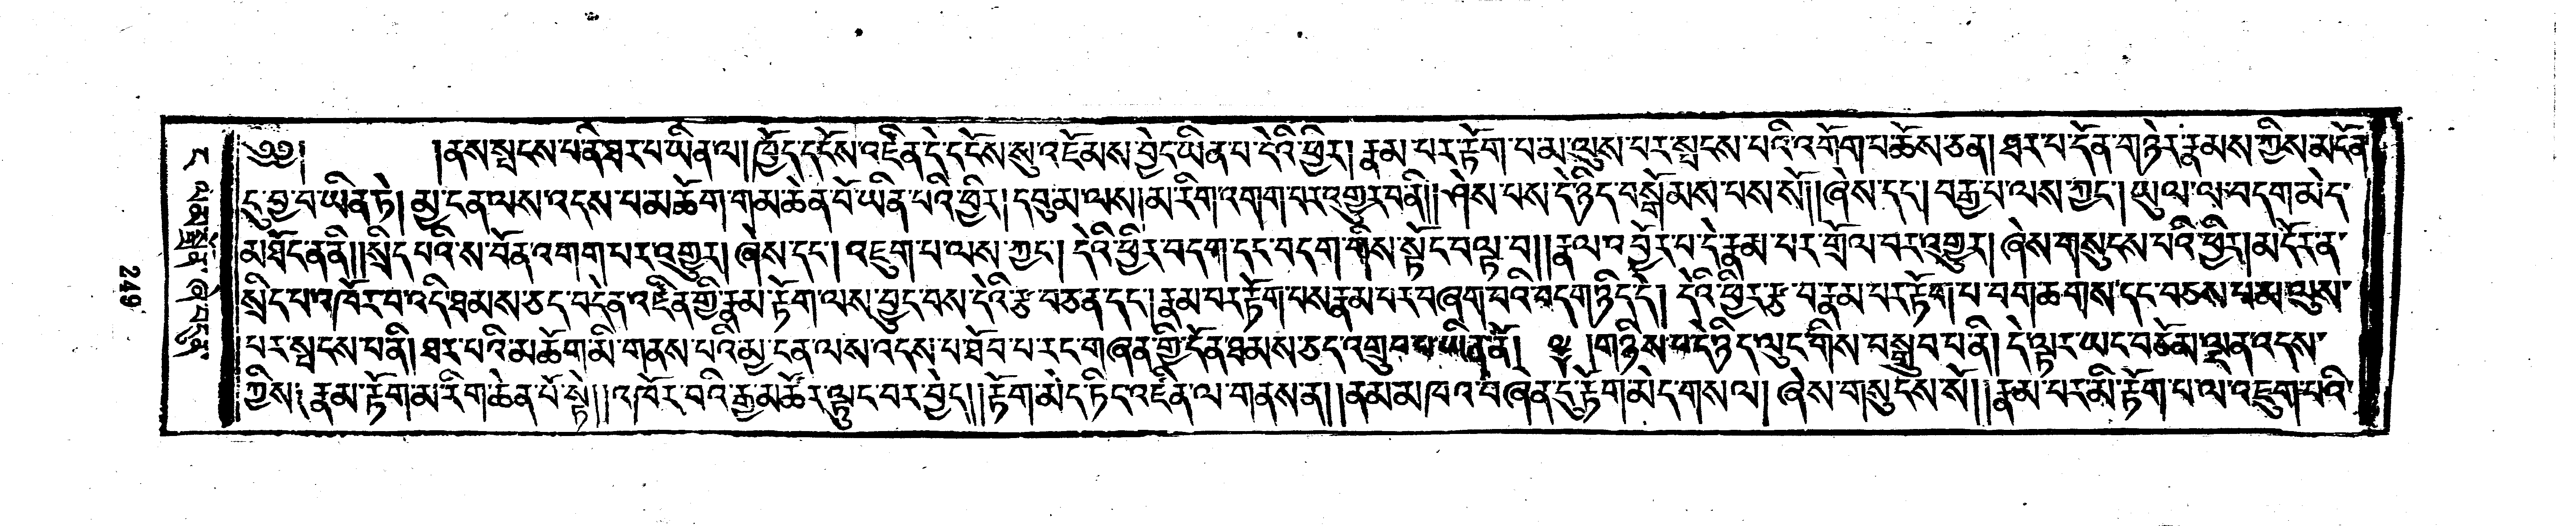༄༅། །ནས་སྤངས་པ་ནི་ཐར་པ་ཡིན་ལ། ཁྱོད་དངོས་འཛིན་དེ་དངོས་སུ་འཇོམས་བྱེད་ཡིན་པ་དེའི་ཕྱིར། རྣམ་པར་རྟོག་པ་མ་ལུས་པར་སྤངས་པའི་འགོག་པ་ཆོས་ཅན། ཐར་པ་དོན་གཉེར་རྣམས་ཀྱིས་མངོན་
དུ་བྱ་བ་ཡིན་ཏེ། མྱ་ངན་ལས་འདས་པ་མཆོག་གམ་ཆེན་པོ་ཡིན་པའི་ཕྱིར། དབུ་མ་ལས། མ་རིག་འགག་པར་འགྱུར་བ་ནི། །ཤེས་པས་དེ་ཉིད་བསྒོམས་པས་སོ། །ཞེས་དང་། བརྒྱ་པ་ལས་ཀྱང་། ཡུལ་ལ་བདག་མེད་
མཐོང་ན་ནི། །སྲིད་པའི་ས་བོན་འགག་པར་འགྱུར། ཞེས་དང་། འཇུག་པ་ལས་ཀྱང་། དེའི་ཕྱིར་བདག་དང་བདག་གིས་སྟོང་བལྟ་བ། །རྣལ་འབྱོར་པ་དེ་རྣམ་པར་གྲོལ་བར་འགྱུར། ཞེས་གསུངས་པའི་ཕྱིར། མདོར་ན་
སྲིད་པ་འཁོར་བ་འདི་ཐམས་ཅད་བདེན་འཛིན་གྱི་རྣམ་རྟོག་ལས་བྱུང་བས་དེའི་རྩ་བ་ཅན་དང་། རྣམ་པར་རྟོག་པས་རྣམ་པར་བཞག་པའི་བདག་ཉིད་དེ། དེའི་ཕྱིར་རྩ་བ་རྣམ་པར་རྟོག་པ་བག་ཆགས་དང་བཅས་པ་མ་ལུས་
པར་སྤངས་པ་ནི། ཐར་པའི་མཆོག་མི་གནས་པའི་མྱ་ངན་ལས་འདས་པ་ཐོབ་པ་རང་གཞན་གྱི་དོན་ཐམས་ཅད་འགྲུབ་པ་ཡིན་ནོ། ༈ །གཉིས་པ་དེ་ཉིད་ལུང་གིས་བསྒྲུབ་པ་ནི། དེ་ལྟར་ཡང་བཅོམ་ལྡན་འདས་
ཀྱིས༑ རྣམ་རྟོག་མ་རིག་ཆེན་པོ་སྟེ། །འཁོར་བའི་རྒྱ་མཚོར་ལྟུང་བར་བྱེད། །རྟོག་མེད་ཏིང་འཛིན་ལ་གནས་ན། །ནམ་མཁའ་བཞིན་དུ་རྟོག་མེད་གསལ། ཞེས་གསུངས་སོ། །རྣམ་པར་མི་རྟོག་པ་ལ་འཇུག་པའི་